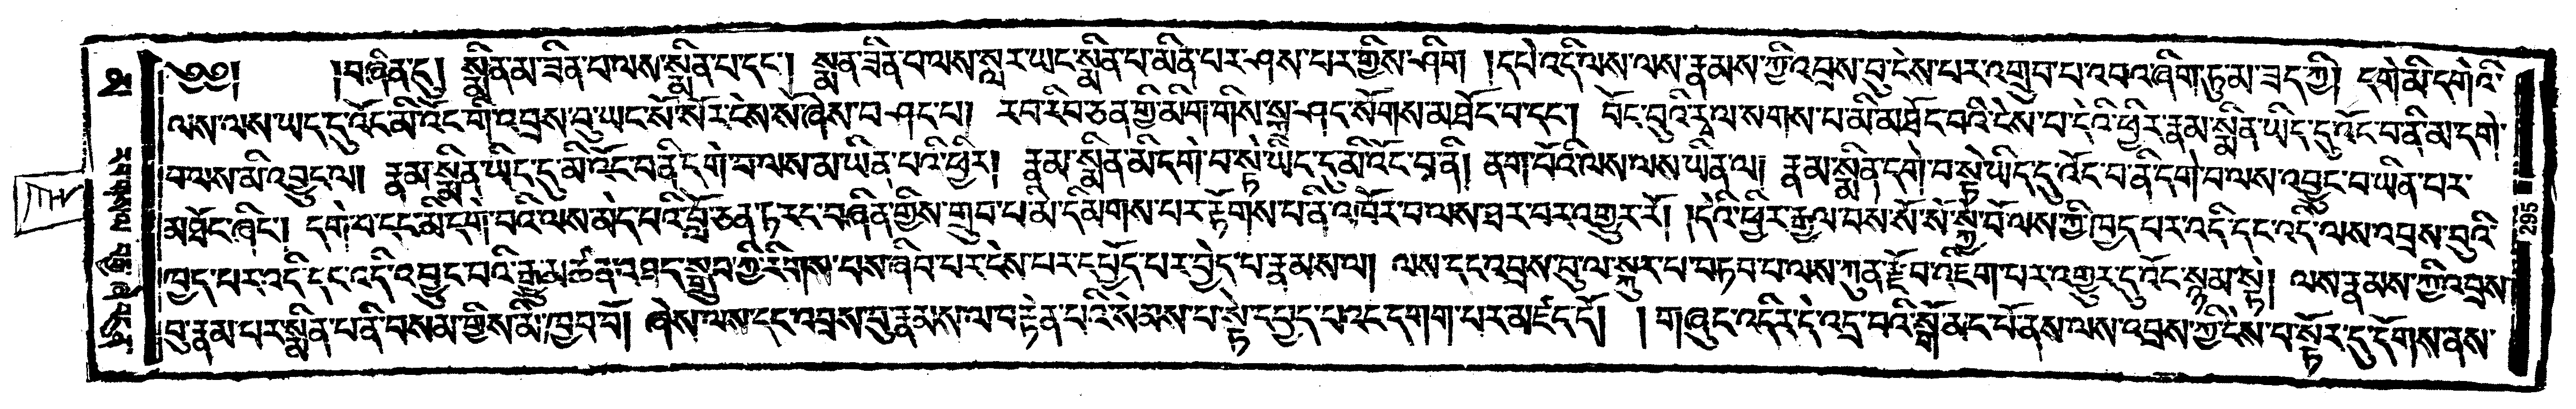བཞིན་དུ། སྨིན་མ་ཟིན་པ་ལས་སྨིན་པ་དང་། སྨིན་ཟིན་པ་ལས་སླར་ཡང་སྨིན་པ་མིན་པར་ཤེས་པར་གྱིས་ཤིག །དཔེ་འདི་ལས་ལས་རྣམས་ཀྱི་འབྲས་བུ་ངེས་པར་འགྲུབ་པ་འབའ་ཞིག་ཏུ་མ་ཟད་ཀྱི། དགེ་མི་དགེའི་
ལས་ལས་ཡིད་དུ་འོང་མི་འོང་གི་འབྲས་བུ་ཡང་སོ་སོར་ངེས་སོ་ཞེས་བཤད་པ། རབ་རིབ་ཅན་གྱི་མིག་གིས་སྐྲ་ཤད་སོགས་མཐོང་བ་དང་། བོང་བུའི་རྭ་ལ་སོགས་པ་མི་མཐོང་བའི་ངེས་པ་དེའི་ཕྱིར་རྣམ་སྨིན་ཡིད་དུ་འོང་བ་ནི་མི་དགེ་
བ་ལས་མི་འབྱུང་ལ། རྣམ་སྨིན་ཡིད་དུ་མི་འོང་བ་ནི་དགེ་བ་ལས་མ་ཡིན་པའི་ཕྱིར། རྣམ་སྨིན་མི་དགེ་བ་སྟེ་ཡིད་དུ་མི་འོང་བ་ནི། ནག་པོའི་ལས་ལས་ཡིན་ལ། རྣམ་སྨིན་དགེ་བ་སྟེ་ཡིད་དུ་འོང་བ་ནི་དགེ་བ་ལས་འབྱུང་བ་ཡིན་པར་
མཐོང་ཞིང་། དགེ་བ་དང་མི་དགེ་བའི་ལས་མེད་པའི་བློ་ཅན་ཏེ་རང་བཞིན་གྱིས་གྲུབ་པ་མི་དམིགས་པར་རྟོགས་པ་ནི་འཁོར་བ་ལས་ཐར་བར་འགྱུར་རོ། །དེའི་ཕྱིར་རྒྱལ་བས་སོ་སོ་སྐྱེ་བོ་ལས་ཀྱི་ཁྱད་པར་འདི་དང་འདི་ལས་འབྲས་བུའི་
ཁྱད་པར་འདི་དང་འདི་འབྱུང་བའི་རྒྱུ་མཚན་འཐད་སྒྲུབ་ཀྱི་རིགས་པས་ཞིབ་པར་ངེས་པར་དཔྱོད་པར་བྱེད་པ་རྣམས་ལ། ལས་དང་འབྲས་བུ་ལ་སྐུར་པ་བཏབ་པ་ལས་ཀུན་རྫོབ་འཇིག་པར་འགྱུར་དུ་འོང་སྙམ་སྟེ། ལས་རྣམས་ཀྱི་འབྲས་
བུ་རྣམ་པར་སྨིན་པ་ནི་བསམ་གྱིས་མི་ཁྱབ་བོ། ཞེས་ལས་དང་འབྲས་བུ་རྣམས་ལ་བརྟེན་པའི་སེམས་པ་སྟེ་དཔྱད་པའང་དགག་པར་མཛད་དོ། །གཞུང་འདིར་དེ་འདྲ་བའི་སྒོ་མང་པོ་ནས་ལས་འབྲས་ཀྱི་ངེས་པ་སྟོར་དུ་དོགས་ནས་